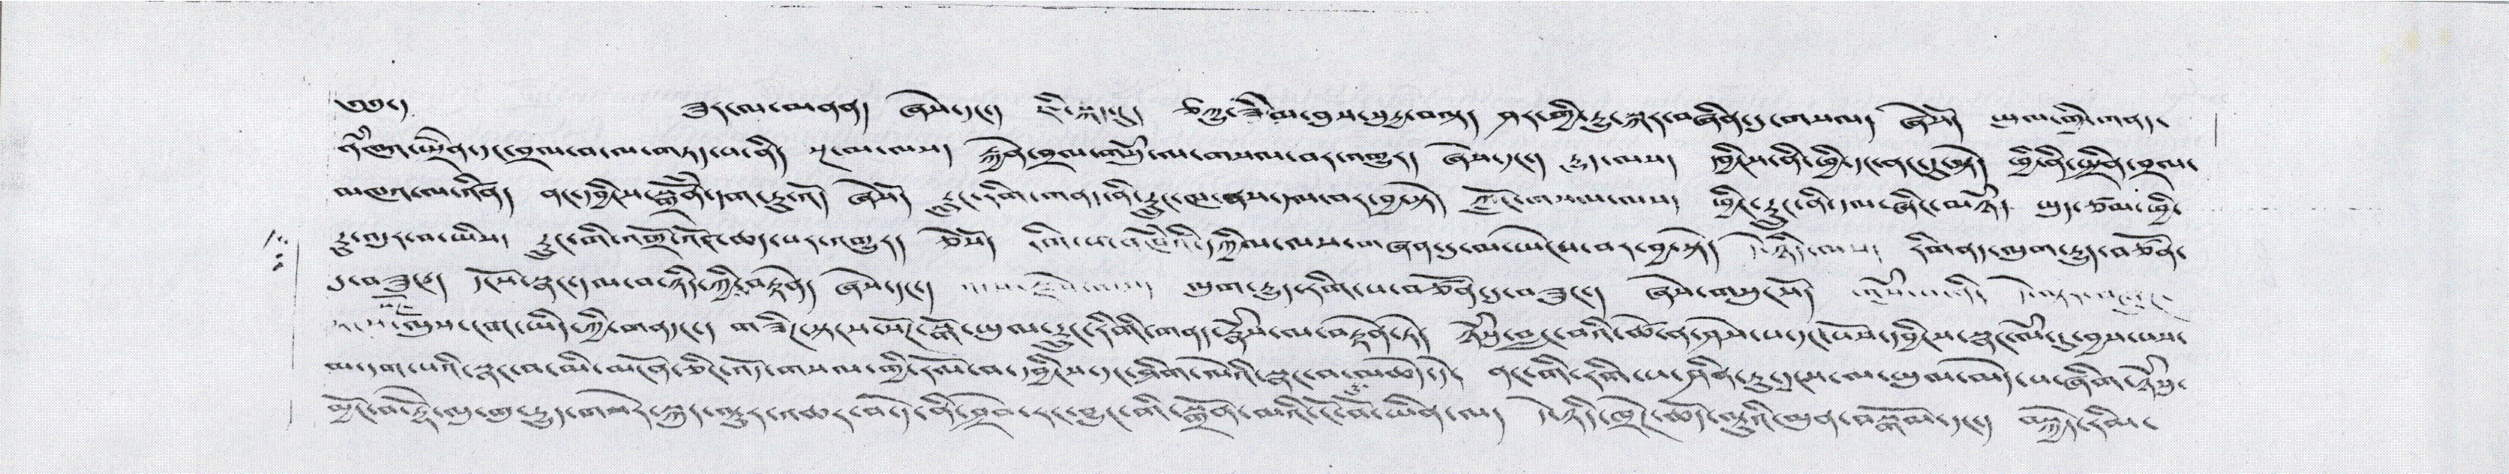ཟུར་ལ་མནན། ཞེས་དང། ཇི་སྐད་དུ། ཙཀྱ་ཟིམ་བུས་སུརྱ་བལྟ། ཤར་གྱི་རྒྱུ་སྐར་བཞིན་དུ་གསལ། ཞེས་སོ།ཡུལ་གྱི་གནད་
ནམ་མཁའ་སྤྲིན་དང་བྲལ་བ་ལ་གཏད་པ་ནི། སྔ་མ་ལས། རྐྱེན་བྲལ་གསུམ་ལ་གསལ་བར་འགྱུར། ཞེས་དང། རྒྱུད་ལས། དབྱིངས་ནི་ཕྱི་དང་ནང་དུ་སྟེ། ཕྱི་ནི་སྤྲིན་བྲལ་
མཁའ་ལ་འཛིན། ནང་དབྱིངས་སྒྲོན་མ་དག་ཏུ་འོ། ཞེས་སོ། རླུང་རིག་གནད་ནི་རླུང་ཁ་ནས་དལ་བར་བྱ་སྟེ། ཀློང་གསལ་ལས། ཕྱི་ནང་རླུང་ནི་དལ་ཞིང་མཉམ། ཡུད་ཙམ་ཕྱི་
རུ་འདུར་བ་ཡིས། རླུང་གི་འགྲོ་འོང་ཆད་པར་འགྱུར། ཅེས་སོ། རིག་པ་ནམ་མཁའི་དཀྱིལ་ལས་གཞན་དུ་མ་ཡེངས་བར་བྱ་སྟེ། དེ་ཉིད་ལས། རིག་གནད་ལུགས་རྒྱུད་བཙོན་
དུ་བཟུང། དངོས་སྣང་དལ་བ་ཉིད་ཀྱིས་བརྟེན། ཞེས་དང། འདས་རྗེས་ལས། ལུག་རྒྱུད་རིག་པ་བཙོན་དུ་བཟུང། ཞེས་གསུངས་སོ། གསུམ་པ་ནི། དེ་ལྟར་བཞུགས་
སྟངས་ལུས་ངག་ཡིད་ཀྱི་གནད་དང། གཟིགས་སྟངས་སོགས་སྒོ་ཡུལ་རླུང་རིག་གི་གནད་རྣམས་ལ་བརྟེན་ཏེ། ཉམས་སུ་བླང་བའི་ཚེ་ན་ཤེས་པ་དང་པོས་དབྱིངས་སྣང་ལམ་དུ་བྱས་པས་
མ་དག་པའི་སྣང་བ་མི་མངོན་ཅིང་འོད་གསལ་གྱི་རོལ་བ་དབྱིངས་དང་ཐིག་ལེའི་སྣང་བ་རུ་མཆེད་དེ། ནང་གི་རིག་པ་ཤིན་ཏུ་དྭངས་ལ་ཡུལ་མེད་པ་ཞིག་ཉམས་སུ་
མྱོང་བ་རྡོ་རྗེ་ལུ་གུ་རྒྱུད་གསེར་སྐུར་ལྟ་བུར་འཆར་བ་དེ་ནི་ཤེས་རབ་རང་བྱུང་གི་སྒྲྲོན་མའི་ངོ་བོ་ཡིན་ལ། དེ་ཉིད་ཁྲེགས་ཆོད་ལྟ་བུའི་མུན་བསྒོམ་དང། བསྐྱེད་རིམ་